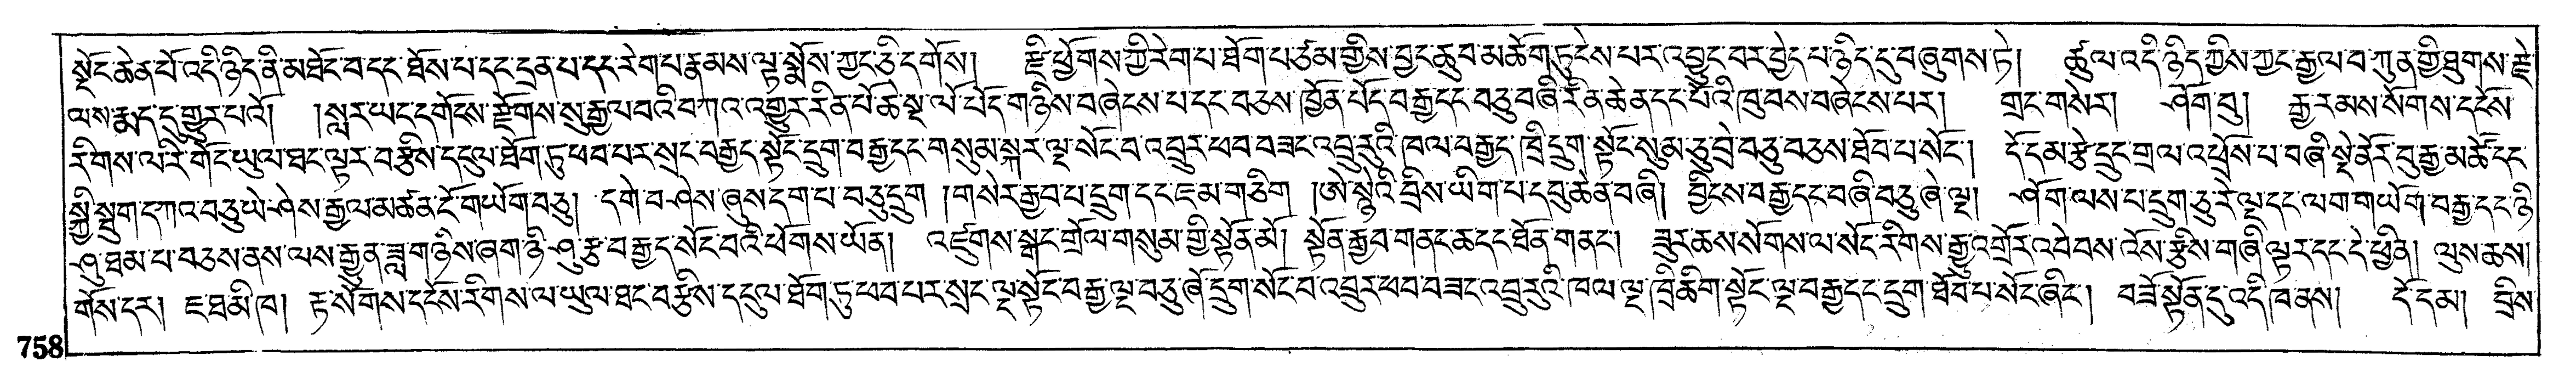སྡོང་ཆེན་པོ་འདི་ཉིད་ནི་མཐོང་པ་དང་ཐོས་པ་དང་དྲན་པ་དང་རེག་པ་རྣམས་ལྟ་སྨོས་ཀྱང་ཅི་དགོས། རྫི་ཕྱོགས་ཀྱི་རེག་པ་ཕོག་པ་ཙམ་གྱིས་བྱང་ཆུབ་མཆོག་ཏུ་ངེས་པར་འབྱུང་བར་བྱེད་པ་ཉིད་དུ་བཞུགས་ཏེ། ཚུལ་འདི་ཉིད་ཀྱིས་ཀྱང་རྒྱལ་བ་ཀུན་གྱི་ཐུགས་རྗེ་
ལས་རྨད་དུ་གྱུར་པའོ། །སླར་ཡང་དགོངས་རྫོགས་སུ་རྒྱལ་བའི་བཀའ་འགྱུར་རིན་པོ་ཆེ་སྔ་ལོ་པོད་གཉིས་བཞེངས་པ་དང་བཅས་ཁྱོན་བོད་བརྒྱ་དང་བཅུ་བཞི་རིན་ཆེན་དང་པའི་ཁུ་བས་བཞེངས་པར། གྲང་གསེར། ཤོག་བུ། རྒྱ་རམས་སོགས་དངོས་
རིགས་ལ་རི་གོང་ཡུལ་ཐང་ལྟར་བརྩིས་དངུལ་ཐོག་ཏུ་ཕབ་པར་སྲང་བརྒྱད་སྟོང་དྲུག་བརྒྱ་དང་གསུམ་སྐར་ལྔ་སོང་བ་འབྲུར་ཕབ་བཟང་འབྲུ་རུའི་ཁལ་བརྒྱད་ཁྲི་དྲུག་སྟོང་སུམ་ཅུ་བྲེ་བཅུ་བཅས་ཐོབ་པ་སོང་། དོ་དམ་རྩེ་དྲུང་གྲལ་འཕྲོས་པ་བཞི་སྡེ་ནོར་བུ་རྒྱ་མཚོ་དང་
སྐྱི་སྦུག་དཀའ་བཅུ་ཡེ་ཤེས་རྒྱལ་མཚན་ངོ་གཡོག་བཅུ། དགེ་བཤེས་ཞུས་དག་པ་བཅུ་དྲུག །གསེར་རྒྱབ་པ་དྲུག་དང་ཇ་མ་གཅིག །ཨེ་སྙེའི་བྲིས་ཡིག་པ་དབུ་ཆེན་བཞི། བྱིངས་བརྒྱ་དང་བཞི་བཅུ་ཞེ་ལྔ། ཤོག་ལས་པ་དྲུག་ཅུ་རེ་ལྔ་དང་ལག་གཡོག་བརྒྱ་དང་ཉི་
ཤུ་ཐམ་པ་བཅས་ནས་ལས་རྒྱུན་ཟླ་གཉིས་ཞག་ཉི་ཤུ་རྩ་བརྒྱད་སོང་བའི་ཕོགས་ཡོན། འཛུགས་སྒང་གྲོལ་གསུམ་གྱི་སྟོན་མོ། སྟོན་རྒྱབ་གནང་ཆ་དང་ཐོན་གནང་། ཟུར་ཆས་སོགས་ལ་སོང་རིགས་རྒྱུ་འགྲོར་འབེབས་འོས་རྩིས་གཞི་ལྟར་དང་དེ་ཕྱིན། ལུས་ཆས།
གོས་དར། ཇ་ཐ་མི་ཁ། རྟ་སོགས་དངོས་རིགས་ལ་ཡུལ་ཐང་བརྩིས་དངུལ་ཐོག་ཏུ་ཕབ་པར་སྲང་ལྔ་སྟོང་བརྒྱ་ལྔ་བཅུ་ཞོ་དྲུག་སོང་བ་འབྲུར་ཕབ་བཟང་འབྲུ་རུའི་ཁལ་ལྔ་ཁྲི་ཆིག་སྟོང་ལྔ་བརྒྱ་དང་དྲུག་ཐོབ་པ་སོང་ཞིང་། བཟོ་སྟོན་དུ་འདི་ཁ་ནས། དོ་དམ། བྲིས་